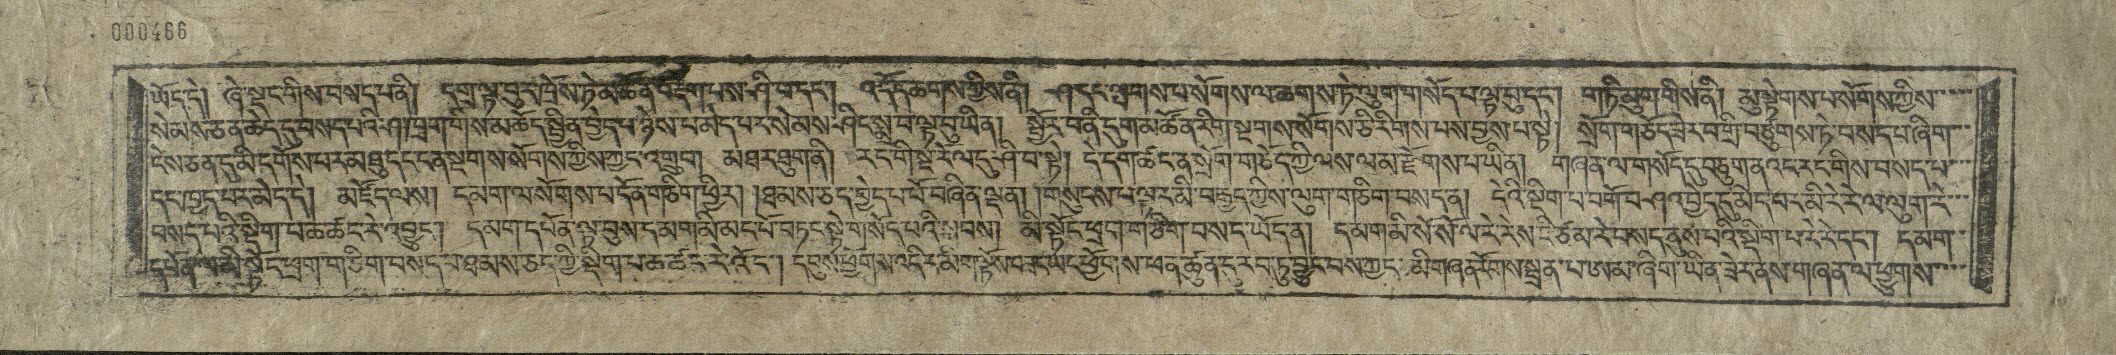ཡོད་དེ། ཞེ་སྡང་གིས་བསད་པ་ནི། དགྲ་ལྟ་བུར་ཁྲོས་ཏེ་མཚོན་བརྡེག་པས་ཤི་བ་དང་། འདོད་ཆགས་ཀྱིས་ནི། ཤ་དང་ལྤགས་པ་སོགས་ལ་ཆགས་ཏེ་ལུག་གསོད་པ་ལྟ་བུ་དང་། གཏི་མུག་གིས་ནི། མུ་སྟེགས་པ་སོགས་ཀྱིས་
སེམས་ཅན་ཆེད་དུ་བསད་པའི་ཤ་ཁྲག་གིས་མཆོད་སྦྱིན་བྱེད་པ་ཉེས་པ་མེད་པར་སེམས་ཤིང་སྨྲ་བ་ལྟ་བུ་ཡིན། སྦྱོར་བ་ནི་དུག་མཚོན་རིག་སྔགས་སོགས་ཅི་རིགས་པས་བྱས་པ་སྟེ། སྲོག་གཅོད་ཟེར་བ་གྲི་བཙུགས་ཏེ་བསད་པ་ཞིག་
ངེས་ཅན་དུ་མི་དགོས་པར་མཐུ་དང་ངན་སྔགས་སོགས་ཀྱིས་ཀྱང་འགྲུབ། མཐར་ཐུག་ནི། རང་གི་སྔ་རོལ་དུ་ཤི་བ་སྟེ། དེ་དག་ཚང་ན་སྲོག་གཅོད་ཀྱི་ལས་ལམ་རྫོགས་པ་ཡིན། གཞན་ལ་གསོད་དུ་བཅུག་ནའང་རང་གིས་བསད་པ་
དང་ཁྱད་པར་མེད་དེ། མཛོད་ལས། དམག་ལ་སོགས་པ་དོན་གཅིག་ཕྱིར། །ཐམས་ཅད་བྱེད་པ་པོ་བཞིན་ལྡན། །གསུངས་པ་ལྟར་མི་བརྒྱད་ཀྱིས་ལུག་གཅིག་བསད་ན། དེའི་སྡིག་པ་བགོ་བཤའ་བྱེད་དུ་མེད་པར་མི་རེ་རེ་ལ་ལུག་རེ་
བསད་པའི་སྡིག་པ་ཆ་ཚང་རེ་འབྱུང་། དམག་དཔོན་ལྟ་བུས་དམག་མི་མང་པོ་བཏང་སྟེ་གསོད་པའི་སྐབས། མི་སྟོང་ཕྲག་གཅིག་བསད་ཡོད་ན། དམག་མི་སོ་སོ་ལ་རེ་རེས་ཇི་ཙམ་རེ་བསད་ནུས་པའི་སྡིག་པ་རེ་རེ་དང་། དམག་
དཔོན་ལ་མི་སྟོང་ཕྲག་གཅིག་བསད་པ་ཐམས་ཅད་ཀྱི་སྡིག་པ་ཆ་ཚང་རེ་འོང་། དབུས་ཕྱོགས་འདིར་མིག་ལྟོས་བཟང་ཡང་ཕྱོགས་ཕན་ཚུན་དུ་རབ་ཏུ་བྱུང་བས་ཀྱང་མི་གཞན་རོགས་སྦྲན་པ་ཨམ་ཞིག་ཡིན་ཟེར་ནས་གཞན་ལ་ཕྱུགས་